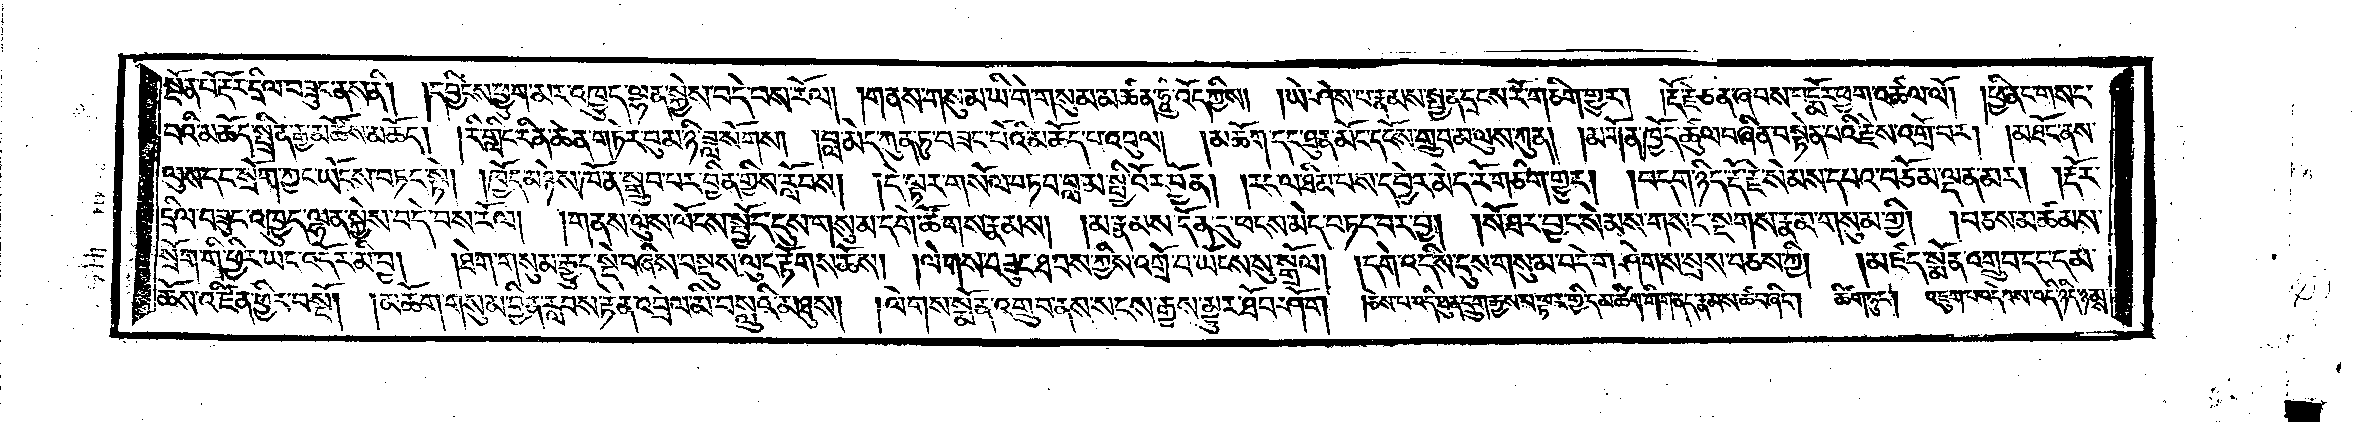སྔོན་པོ་རྡོར་དྲིལ་བཟུང་ནས་ནི། །དབྱིངས་ཕྱག་མར་འཁྱུད་ལྷན་སྐྱོས་བདེ་བས་རོལ། །གནས་གསུམ་ཡི་གེ་གསུམ་མཚན་ཧཱུཾ་འོད་ཀྱིས། །ཡེ་ཤེས་པ་རྣམས་སྤྱན་དྲངས་རོ་གཅིག་གྱུར། །རྡོ་རྗེ་ཅན་ཞབས་པདམོར་ཕྱག་འཚལ་ལོ། །ཕྱི་ནང་གསང་
པའི་མཆོད་སྤྲིན་རྒྱ་མཚོས་མཆོད། །རི་གླིང་རིན་ཆེན་གཏེར་བུམ་ཉི་ཟླ་སོགས། །བླ་མེད་ཀུན་ཏུ་བཟང་པོའི་མཆོད་པ་འབུལ། །མཆོག་དང་ཐུན་མོང་དངོས་གྲུབ་མ་ལུས་ཀུན། །མགོན་ཁྱོད་ཚུལ་བཞིན་བསྟེན་པའི་རྗེས་འགྲོ་བར། །མཐོང་ནས་
ལུས་དང་སྲོག་ཀྱང་ཡོངས་བཏང་སྟེ། །ཁྱོད་མཉེས་ཁོ་ན་སྒྲུབ་པར་བྱིན་གྱིས་རློབས། །དེ་ལྟར་གསོལ་བཏབ་བླ་མ་སྤྱི་བོར་བྱོན། །རང་ལ་ཐིམ་པས་དབྱེར་མེད་རོ་གཅིག་གྱུར། །བདག་ཉིད་རྡོ་རྗེ་སེམས་དཔའ་བཅོམ་ལྡན་མར། །རྡོར་
དྲིལ་བཟུང་འཁྱུད་ལྷན་སྐྱེས་བདེ་བས་རོལ། །གནས་ལུས་ལོངས་སྤྱོད་དུས་གསུམ་དགེ་ཚོགས་རྣམས། །མ་རྣམས་དོན་དུ་ཕངས་མེད་བཏང་བར་བྱ། །སོ་ཐར་བྱང་སེམས་གསང་སྔགས་རྣམ་གསུམ་གྱི། །བཅས་མཚམས་
སྲོག་གི་ཕྱིར་ཡང་འདོར་མི་བྱ། །ཐེག་གསུམ་རྒྱུད་སྡེ་བཞིས་བསྡུས་ལུང་རྟོགས་ཆོས། །ལེགས་བཟུང་ཐབས་ཀྱིས་འགྲོ་བ་ཡོངས་སུ་སྒྲོལ། །དགེ་འདིས་དུས་གསུམ་བདེ་གཤེགས་སྲས་བཅས་ཀྱི། །མཛད་སྨོན་འགྲུབ་དང་དམ་
ཆོས་འཛིན་ཕྱིར་བསྔོ། །མཆོག་གསུམ་བྱིན་རླབས་རྟེན་འབྲེལ་མི་བསླུའི་མཐུས། །ལེགས་སྨོན་འགྲུབ་ནས་སངས་རྒྱས་མྱུར་ཐོབ་ཤོག །ཅེས་པ་འདི་ཐུན་དྲུག་རྒྱས་པ་ལྟར་གྱི་དམ་ཚིག་གི་གནད་རྣམས་ཚང་ཞིང་། ཚིག་ཉུང་། འཇུག་པ་འདེབས་འདི་ཉིད་ཉམས་